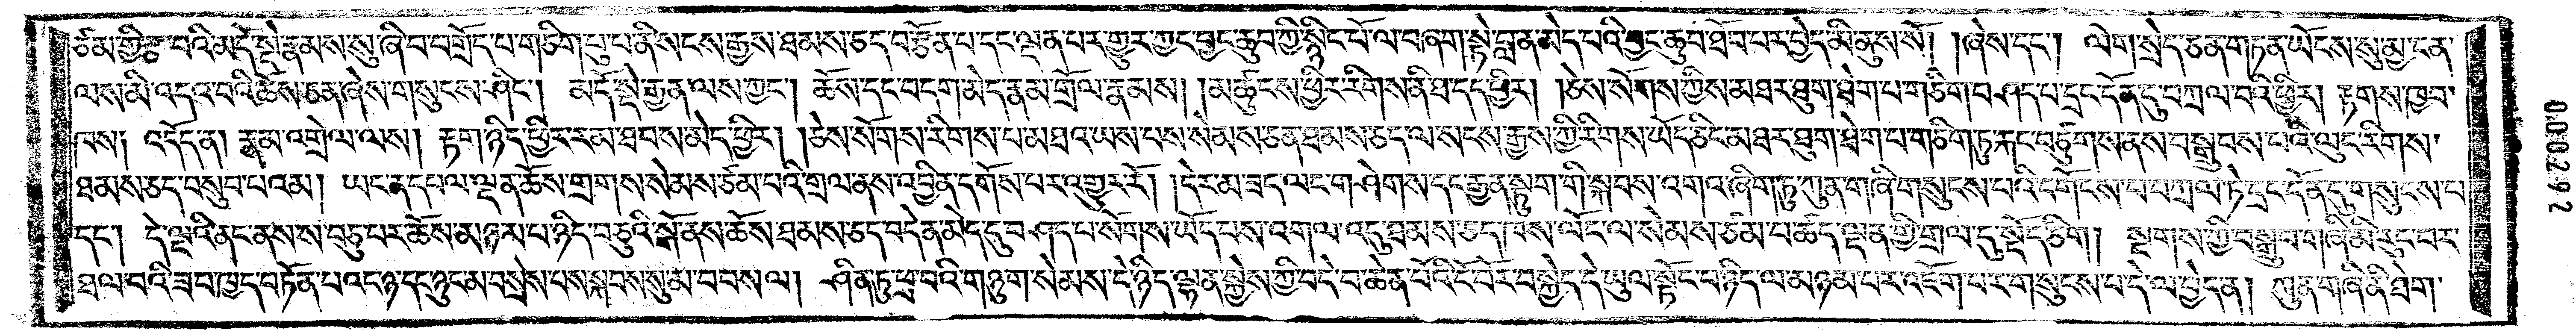ཙམ་གྱི་རྩ་བའི་མདོ་སྡེ་རྣམས་སུ་ཞིབ་བགྲོད་པ་གཅིག་པུ་པ་ནི་སངས་རྒྱས་ཐམས་ཅད་བརྩོན་པ་དང་ལྡན་པར་གྱུར་ཀྱང་བྱང་ཆུབ་ཀྱི་སྙིང་པོ་ལ་བཞག་སྟེ་བླ་ན་མེད་པའི་བྱང་ཆུབ་ཐོབ་པར་བྱེད་མི་ནུས་སོ། །ཞེས་དང་། ལེག་སྲེད་ཅན་གཏན་ཡོངས་སུ་མྱ་ངན་
ལས་མི་འདའ་བའི་ཆོས་ཅན་ཞེས་གསུངས་ཤིང་། མདོ་སྡེ་རྒྱན་ལས་ཀྱང་། ཆོས་དང་བདག་མེད་རྣམ་གྲོལ་རྣམས། །མཚུངས་ཕྱིར་རིགས་ནི་ཐ་དད་ཕྱིར། །ཅེས་སོགས་ཀྱིས་མཐར་ཐུག་ཐེག་པ་གཅིག་བཤད་པ་དྲང་དོན་དུ་བཀྲལ་བའི་ཕྱིར། རྟགས་ཁྱབ་
ཁས། འདོད་ན། རྣམ་འགྲེལ་ལས། རྟག་ཉིད་ཕྱིར་རམ་ཐབས་མེད་ཕྱིར། །ཅེས་སོགས་རིགས་པ་མཐའ་ཡས་པས་སེམས་ཅན་ཐམས་ཅད་ལ་སངས་རྒྱས་ཀྱི་རིགས་ཡོད་ཅིང་མཐར་ཐུག་ཐེག་པ་གཅིག་ཏུ་རྐང་བཙུགས་ནས་བསྒྲུབས་པའི་ལུང་རིགས་
ཐམས་ཅད་བསུབ་པའམ། ཡང་ན་དཔལ་ལྡན་ཆོས་གྲགས་སེམས་ཙམ་བའི་གྲལ་ནས་འབྱིན་དགོས་པར་འགྱུར་རོ། །དེར་མ་ཟད་ལང་གཤེགས་དང་རྒྱན་སྟུག་གི་སྐབས་འགའ་ཞིག་ཏུ་ཀུན་གཞི་གསུངས་པའི་དགོངས་པ་བཀྲལ་ཏེ་དྲང་དོན་དུ་གསུངས་བ་
དང་། དེ་ལྔའི་ནང་ནས་ས་བཅུ་པར་ཆོས་མཉམ་པ་ཉིད་བཅུའི་སྒོ་ནས་ཆོས་ཐམས་ཅད་བདེན་མེད་དུ་བཤད་པ་སོགས་ཡོད་པས་འགལ་འདུ་ཐམས་ཅད་ཁས་ལོང་ལེ་སེམས་ཙམ་པ་ཚད་ལྡན་གྱི་གྲལ་དུ་སྡོད་ཅིག། སྔགས་ཀྱི་བསྒྲུབ་གཞི་མི་རུང་བར་
ཐལ་བའི་ཟབ་ཁྱད་བཏོན་པའང་ཉ་དང་ཉུང་མ་བསྲེས་བས་སྐབས་སུ་མ་བབས་ལ། ཤིན་ཏུ་ཕྲ་བའི་གཉུག་སེམས་དེ་ཉིད་ལྷན་སྐྱེས་ཀྱི་བདེ་བ་ཆེན་པོའི་ངོ་བོར་བསྐྱེད་དེ་ཡུལ་སྟོང་པ་ཉིད་ལ་མཉམ་པར་འཇོག་པར་གསུངས་པ་དེ་ལ་བྱེད་ན། ཀུན་གཞི་ནི་ཐེག་